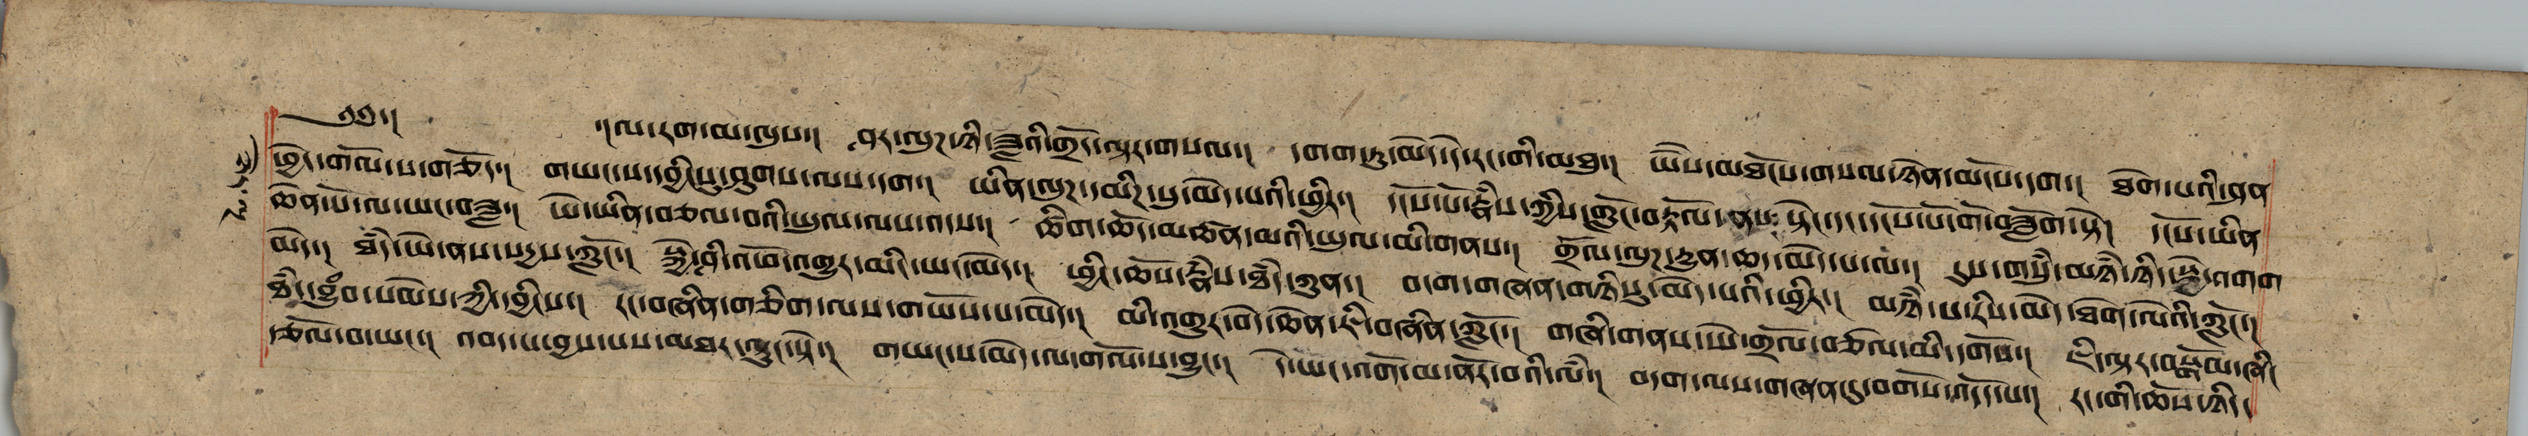༄༅་། ་།ལ་རག་མ་ལུས་། ཤར་ལུཌ་ཉི་ཟླའི་གྲོད་ལྟར་གསལ་། དགག་ཏུ་མེད་དེ་རང་གི་མཐུ་། ཡཻས་མཐོངས་གསལ་ཉོན་མོངས་དག་། ཐེག་པའི་ཤན་
ཕྱེད་གོལ་པ་གཅོད་། གཡང་ས་དབྱིངསུ་ཤུགས་ལས་དག་། ཡིན་ལུཌ་དམིཌ་སུ་མེད་པའི་ཕྱིར་། དངོས་པོ་རྣཾས་ཀྱིས་གློང་བརྟོལ་ནས་ སྟེང་དང་དངོས་པོ་གོ་བཟློག་སྟེ་། དངོས་ཡིན་
ཆེན་པོ་ལ་ཡང་བཟླ་། ཡེ་ཡིན་བཅལ་བའི་ཡུལ་ལས་འདས་། ཚིག་ཆོད་མཚན་མའི་ཡུལ་མི་གནས་། གྲོལ་ལུཌ་དདྱུན་ཆད་མེད་པ་ལ་། དུས་གསུཾ་མཉཾ་ཉིད་སྐྱེ་འགག
མེད་། ཐཾད་ཡེ་ནས་སདྱས་ཀློང་། སྐྱེ་ཤི་འཕོ་འགྱུར་མིང་ཡང་མེད་། ཕྱིང་ཆོས་རྣཾས་ཐཾད་ཀུན་། བདག་གཞན་གཉིསུ་མེད་པའི་ཕྱིར་། མཉཾ་པ་རིས་མེད་ཐེག་ལེའི་ཀློང་།
ཐཾད་བྱུཾབ་སེམས་ཀྱི་དབྱིངས་། རང་བཞིན་གཅིག་ལས་གཡོས་པ་མེད་། མི་འགྱུར་བདེ་ཆེན་ཇི་བཞིན་ཀློང་། གཞི་གནས་ཡེ་གྲོལ་བཙལ་མི་དགོས། ཇི་ལྟར་བསྒོམ་ཞིང
རྩོལ་བ་ཡང་། འབད་པ་བྱས་པས་མཐར་ལྟུང་སྟེ་། གཡང་ས་མེད་ལ་གོལ་ས་བྱུང་། དེ་ཡང་འོག་མ་ནོར་བའི་ལཾ་། བདག་ལས་གཞན་དུ་བགོས་འདོད་པ་། རང་གི་ཆོས་ཉིད་